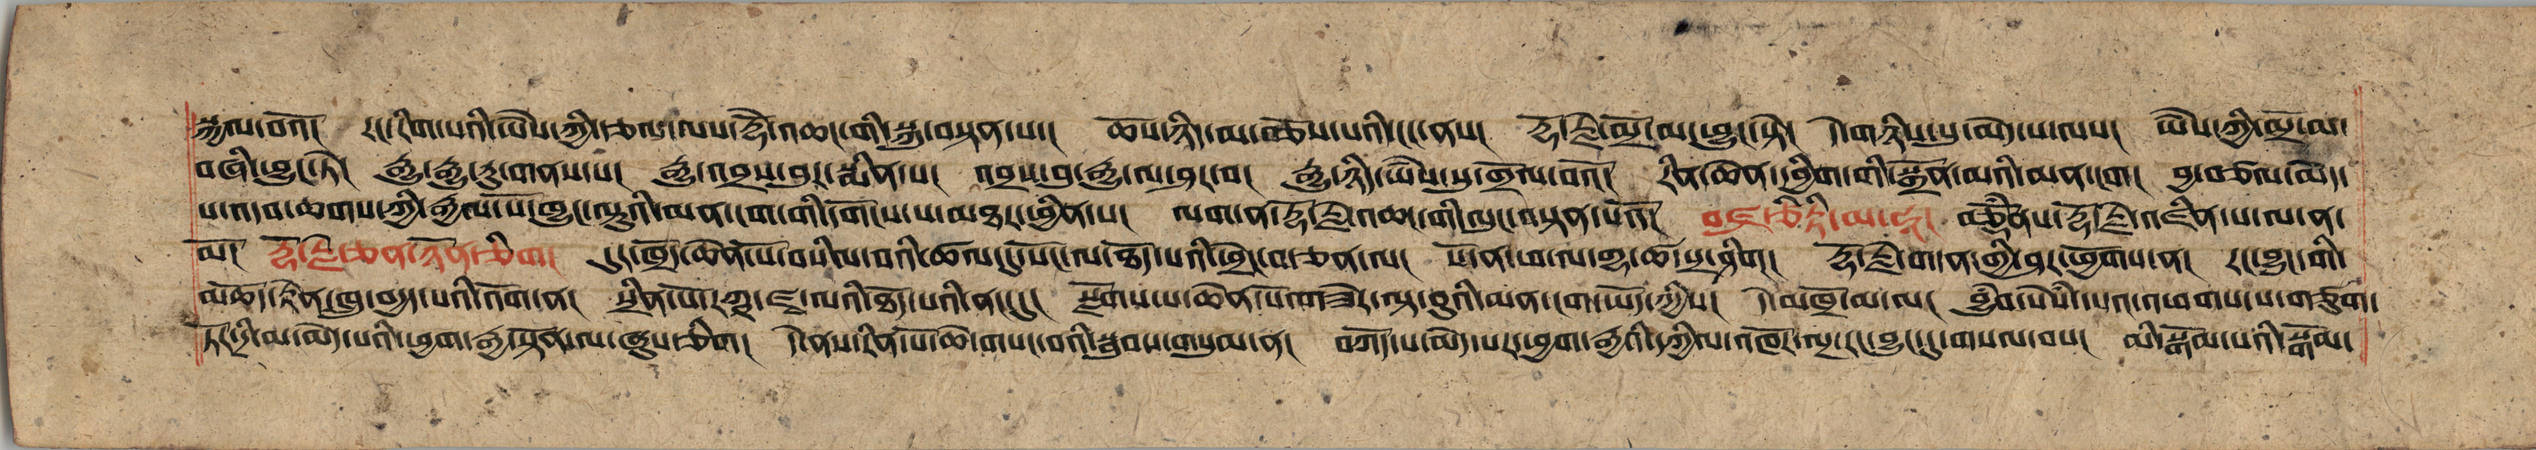སྐྱལ་བའོ། རང་རིག་པའི་ཡཻས་ཀྱི་རྩལ་ལས་རྡོ་ེ་འཆང་གི་སྐུ་བསྟན་པ། ཆོས་ཉིད་མ་བཅོས་པའི་ངང་ནས། རྡོ་རྗེ་མྲོ་མ་ཕྱུང་སྟེ། དེ་གཉིས་སུ་མེད་པ་ལས། ཡཻས་ཀྱི་མྲོ་མ་
བཞི་བྱུང་ཏེ། རྒྱུ་རྒྱུ་རུ་གནས་པ། རྒྱུ་འབྲས་བུར་སྨིན་པ། འབྲས་བུ་རྒྱུ་ལ་ཤར་བ། རྒྱུ་ཉིད་ཡཻས་སུ་གྲོལ་བའོ། རིན་ཆེན་དབྱིག་གི་སྒྲོལ་མའི་མན་ངག། བྱ་བཙལ་མེད་
པ་འདབ་ཆགས་ཀྱི་རྒྱལ་པོ་ཁྱུང་ལྟུའི་མན་ངག་གི་དགོངས་པ་མཐར་ཕྱིན་པ། ལག་ན་རྡོ་རྗེ་འཆང་གི་ལུང་བསྟན་པའོ། བཛྲ་ཙིཏྟི་མ་ཧཱ། བཅྡོཾནས་རྡོ་རྗེ་འཛིན་པ་ལ་ན་
མོ། རྡོ་རྗེ་ཅན་ཉོན་ཅིག། དུར་ཁྲོད་ཆེན་པོ་བསིལ་བའི་ཚལ་དུ་སོང་ལ་ཐོད་པའི་ཕྲེང་བ་ཅན་ལ། སོ་ན་ཕ་ལ་གྷ་ཚ་པྲ་ཤིག། རྡོ་རྗེ་གདན་གྱི་ཤར་ཕྱོགས་ན། རང་བྱུང་གི་
མཆོད་རྟེན་ཁྲུ་བདྱད་པའི་འོག་ན། སྲིན་པོ་རཀྵ་ཛྭ་ལའི་ཐོད་པའི་ནང་དུ། སྫོགས་པ་ཆེན་པོ་གཟེར་ལྟ་བུའི་མན་ངག་ཡོད་ཀྱིས། དེ་མཁྲོ་མ་ལ། བྱུཾབ་སེཾས་དཔའ་འཕགས་པ་གཙུག་
ཏོར་དྲི་མ་མེད་པའི་ཕྱག་རྒྱ་སྟོན་ལ་ཞུས་ཅིག། དེ་ནས་རིན་པོ་ཆེ་གསང་བའི་སྦུབས་གསུམ་ན། བཀོད་པ་མེད་པར་ཕྱག་རྒྱའི་དཀྱིལ་འཁོར་ལྔ་རང་བྱུང་དུ་གསལ་བས། མི་སྒོམ་པའི་སྒོམ་